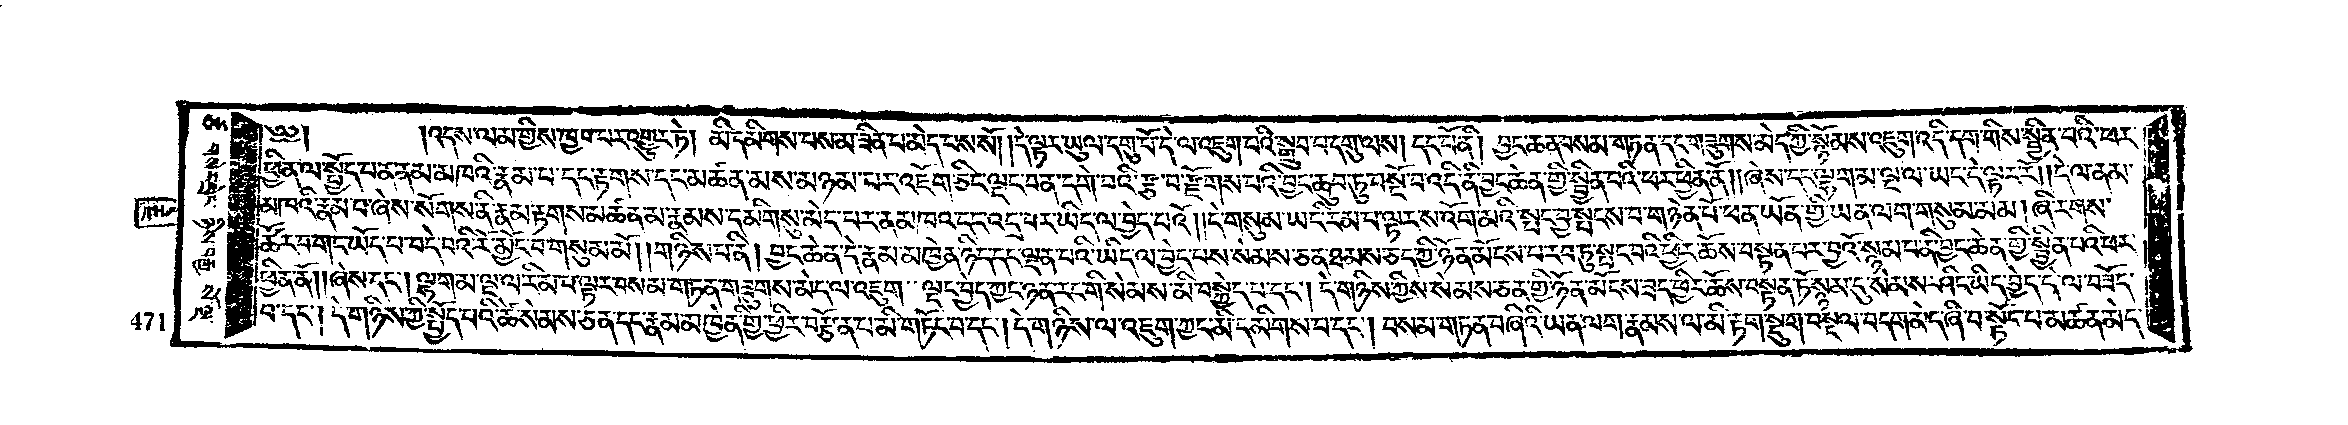༄༅། །འདས་ལམ་གྱིས་ཁྱབ་པར་འགྱུར་ཏེ། མི་དམིགས་པས་མ་ཟིན་པ་མེད་པས་སོ། །དེ་ལྟར་ཡུལ་དགུ་པོ་དེ་ལ་འཇུག་པའི་སྒྲུབ་པ་དགུ་ལས། དང་པོ་ནི། བྱང་ཆེན་བསམ་གཏན་དང་གཟུགས་མེད་ཀྱི་སྙོམས་འཇུག་འདི་དག་གིས་སྦྱིན་པའི་ཕར་
ཕྱིན་ལ་སྤྱོད་པ་ན་ནམ་མཁའི་རྣམ་པ་དང་རྟགས་དང་མཚན་མས་མཉམ་པར་འཇོག་ཅིང་ལྡང་བ་ན་དགེ་བའི་རྩ་བ་རྫོགས་པའི་བྱང་ཆུབ་ཏུ་བསྔོ་བ་འདི་ནི་བྱང་ཆེན་གྱི་སྦྱིན་པའི་ཕར་ཕྱིན་ནོ། །ཞེས་དང་ལྷག་མ་ལྔ་ལ་ཡང་དེ་ལྟར་རོ། །དེ་ལ་ནམ་
མཁའི་རྣམ་པ་ཞེས་སོགས་ནི་རྣམ་རྟགས་མཚན་མ་རྣམས་དམིགས་སུ་མེད་པར་ནམ་མཁའ་དང་འདྲ་བར་ཡིད་ལ་བྱེད་པའོ། །དེ་གསུམ་ཡང་རིམ་པ་ལྟར་ས་འོག་མའི་སྤང་བྱ་སྤངས་པ་གཉེན་པོ་ཕན་ཡོན་གྱི་ཡན་ལག་གསུམ་མམ། ཞི་རགས་
ཚོར་བ་གང་ཡོད་པ་བདེ་བའི་རོ་མྱོང་བ་གསུམ་མོ། །གཉིས་པ་ནི། བྱང་ཆེན་དེ་རྣམ་མཁྱེན་ཉིད་དང་ལྡན་པའི་ཡིད་ལ་བྱེད་པས་སེམས་ཅན་ཐམས་ཅད་ཀྱི་ཉོན་མོངས་པ་རབ་ཏུ་སྤང་བའི་ཕྱིར་ཆོས་བསྟན་པར་བྱའོ་སྙམ་པ་ནི་བྱང་ཆེན་གྱི་སྦྱིན་པའི་ཕར་
ཕྱིན་ནོ། །ཞེས་དང་། ལྷག་མ་ལྔ་ལ་རིམ་པ་ལྟར་བསམ་གཏན་གཟུགས་མེད་ལ་འཇུག་ལྡང་བྱེད་ཀྱང་ཉན་རང་གི་སེམས་མི་བསྐྱེད་པ་དང་། དེ་གཉིས་ཀྱིས་སེམས་ཅན་གྱི་ཉོན་མོངས་ཟད་ཕྱིར་ཆོས་བསྟན་ཏོ་སྙམ་དུ་སེམས་ཤིང་ཡིད་བྱེད་དེ་ལ་བཟོད་
པ་དང་། དེ་གཉིས་ཀྱི་སྤྱོད་པའི་ཚེ་སེམས་ཅན་དང་རྣམ་མཁྱེན་གྱི་ཕྱིར་བརྩོན་པ་མི་གཏོང་བ་དང་། དེ་གཉིས་ལ་འཇུག་ཀྱང་མི་དམིགས་པ་དང་། བསམ་གཏན་བཞིའི་ཡན་ལག་རྣམས་ལ་མི་རྟག་སྡུག་བསྔལ་བདག་མེད་ཞི་བ་སྟོང་པ་མཚན་མེད་